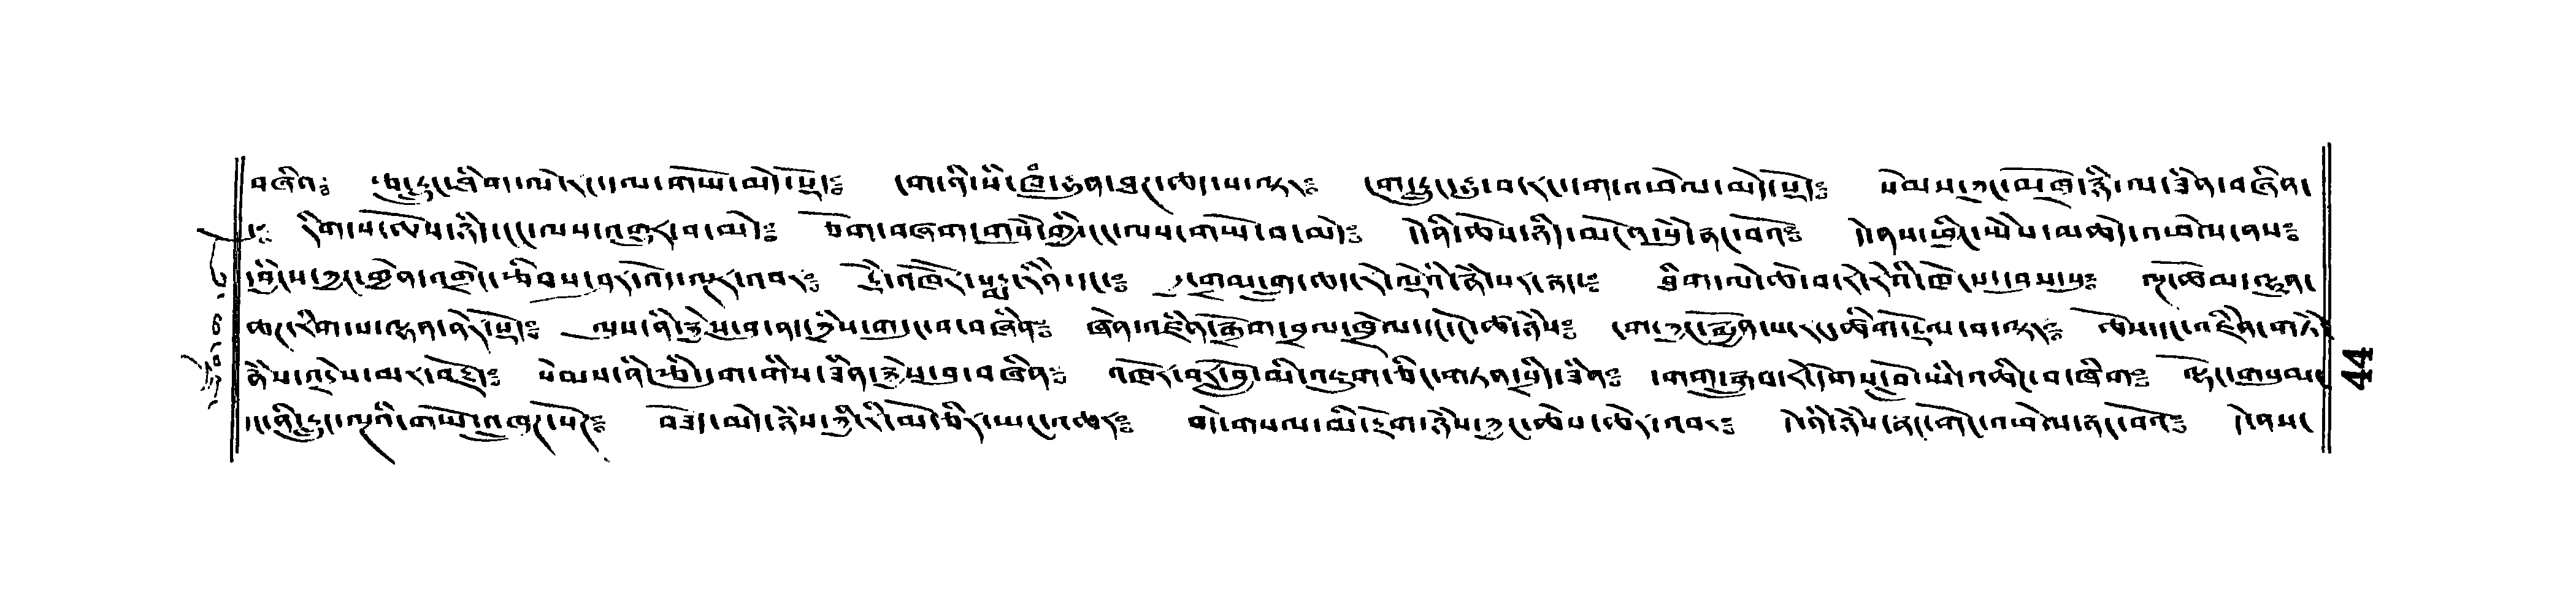བཞིན༔ རྩ་རླུང་ཐིག་ལེ་རང་དལ་གཡོ་མེད་སྡོད༔ ངག་ནི་པི་ཁཾ་རྒྱུན་ཐག་ཆད་པ་ལྟར༔ ངག་རླུང་རྒྱུ་བ་རང་དག་འཕེལ་མེད་སྡོད༔ སེམས་ཀྱང་མཁའ་འགྲོ་རྙི་ལ་ཟིན་བཞིན་
དུ༔ རིག་པ་ཆོས་ཉིད་ངང་ལས་འགྱུར་བ་མེད༔ ཅོག་བཞག་གསུམ་གྱི་ངང་ལས་གཡོ་བ་མེད༔ དེ་ནི་ཆོས་ཉིད་མངོན་སུམ་སྣང་བའོ༔ དེ་ནས་ཕྱི་ནང་ཡེ་ཤེས་མཆེད་འཕེལ་ནས༔ 
དབྱིངས་ཀྱང་གྱེན་འགྲེང་རྩིབས་ཤར་འོད་ལྔར་འབར༔ རྡོ་རྗེ་འཁོར་ལོ་པདྨ་རིན་ཆེན་དང༔ རྒྱ་གྲམ་གྲུ་ཆད་རེ་ལྡེའི་རྣམ་པར་སྣང༔ ཐིག་ལེ་ཆེ་བ་རེ་རེའི་ཁོངས་དབུས་སུ༔ ལྔ་ཚོམ་ལྷུན་
ཆགས་རིག་པ་ལྷན་ནེར་སྡོད༔ ལུས་ནི་སྐྱེས་བུ་ནད་ཀྱིས་གདུང་བ་བཞིན༔ ཞེན་འཛིན་སྒྲོག་བྲལ་ཁྲེལ་དང་ངོ་ཚ་ཉམས༔ ངག་ཀྱང་སྨྱོན་པ་རང་ཚིག་རྡོལ་བ་ལྟར༔ ཆོས་དང་འཇིག་རྟེན་གཏམ་
རྣམས་འདྲེས་མར་བརྗོད༔ སེམས་ནི་རྩི་དུག་གིས་ཟིན་སྐྱེས་བུ་བཞིན༔ འཁོར་བར་བློ་མི་འཇུག་ཅིང་གཏན་སྲིད་ཟིན༔ དགག་སྒྲུབ་རེ་དོགས་བློ་ཡི་འཆིང་བ་ཞིག༔ ལྷོང་གསུམ་
དང་ནི་རླུང་ལྔའི་གཡོ་འཁྲུགས་སོགས༔ བཟོད་མེད་ཉམས་ཀྱི་རི་མོ་ཅིར་ཡང་འཆར༔ བདེ་གསལ་མི་རྟོག་ཉམས་ཀྱང་ཆེས་ཆེར་འབར༔ དེ་ནི་ཉམས་སྣང་གོང་འཕེལ་སྣང་བའོ༔ དེ་ནས་